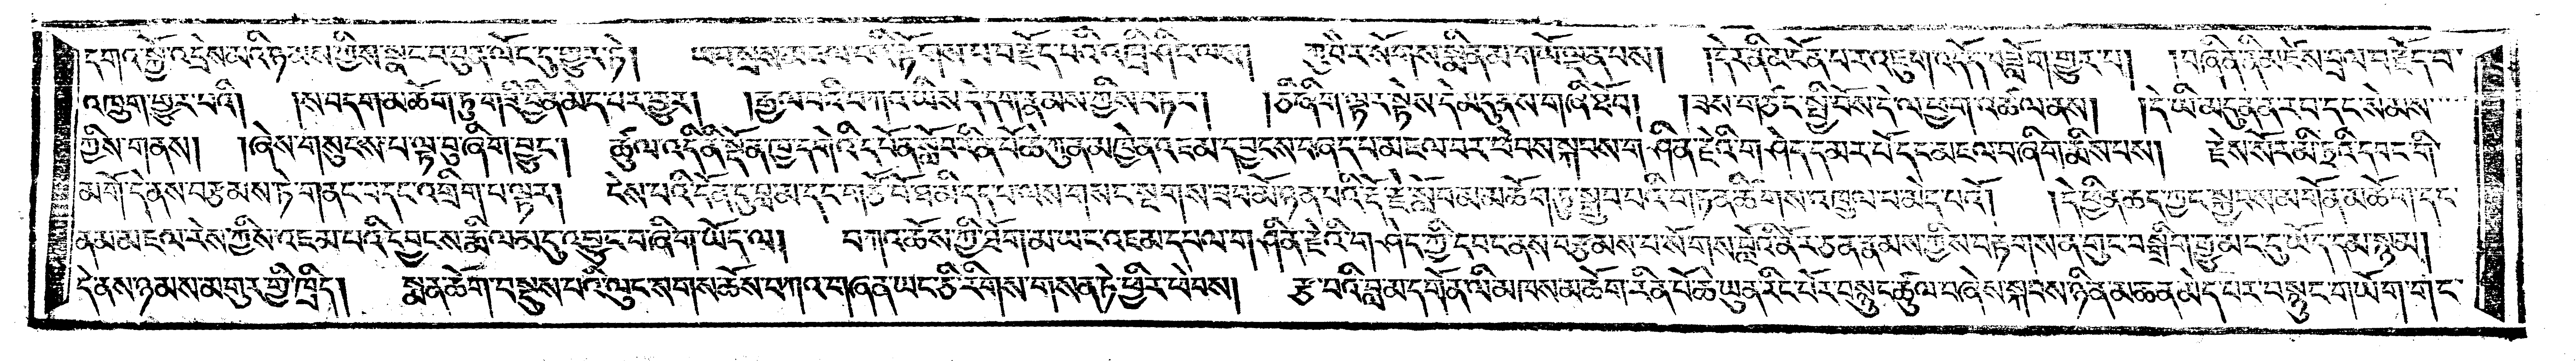དགའ་སྐྱོ་འདྲེས་མའི་ཉམས་ཀྱིས་སྣང་བ་བུན་ལོང་དུ་གྱུར་ཏེ། ཡབ་སྲས་མཇལ་བའི་རྟོགས་པ་བརྗོད་པའི་འཁྲི་ཤིང་ལས། ཀུ་བཻ་ར་སོགས་སྨིན་མ་གཡོ་ལྡན་པས། །དེར་ནི་མངོན་པར་འཇུག་འདོད་བཟློག་གྱུར་པ། །བཞིན་ནི་མཛེས་བྲལ་བརྗོད་པ་
འཁྲུག་གྱུར་པའི། །ས་བདག་མཆོག་ཏུ་གཟི་བྱིན་མེད་པར་གྱུར། །རྒྱལ་བའི་བཀའ་ཡིས་དེ་དག་རྣམས་ཀྱིས་བཏང་། །ཅི་ཞིག་ལྟར་སྟེས་དེ་མདུན་ས་གཞི་ཐོབ། །ཟས་གཙང་སྤྱི་བོས་དེ་ལ་ཕྱག་འཚལ་ནས། །དེ་ཡི་མདུན་ན་རབ་དང་སེམས་
ཀྱིས་གནས། །ཞེས་གསུངས་པ་ལྟ་བུ་ཞིག་བྱུང་། ཚུལ་འདི་ནི་སྔོན་ཁྱད་དགེའི་དཔོན་སློབ་རིན་པོ་ཆེ་ཀུན་མཁྱེན་འཇམ་དབྱངས་བཞད་པ་མཇལ་བར་ཕེབས་སྐབས་གཤིན་རྗེའི་གཤེད་དམར་པོ་དང་མཇལ་བ་ཞིག་རྨིས་པས། རྗེས་སོར་མི་ཏྲའི་དབང་གི་
མགོ་དེ་ནས་བརྩམས་ཏེ་གནང་བ་དང་འགྲིག་པ་ལྟར། ངེས་པའི་དོན་དུ་བླ་མ་དང་གཙོ་བོ་ཐ་མི་དད་པ་ལས་གསང་སྔགས་ཟབ་མོ་ཉན་པའི་རྡོ་རྗེ་སློབ་མ་མཆོག་ཏུ་སྒྲུབ་པའི་གཏན་ཚིགས་འཁྲུལ་པ་མེད་པའོ། །དེ་ཕྱིན་ཆད་ཀྱང་སྐྱབས་མགོན་མཆོག་དང་
ནམ་མཇལ་རེས་ཀྱིས་འཇམ་པའི་དབྱངས་རྨི་ལམ་དུ་འབྱུང་བ་ཞིག་ཡོད་ལ། བཀའ་ཆོས་ཀྱི་ཐོག་མ་ཡང་འཇམ་དཔལ་གཤིན་རྗེའི་གཤེད་ཀྱི་དབང་ནས་བརྩམས་པ་སོགས་བློའི་ནོར་ཅན་རྣམས་ཀྱིས་བརྟགས་ན་གུང་བསྒྲིག་རྒྱུ་མང་དུ་ཡོད་དམ་སྙམ།
དེ་ནས་ཉམས་མགུར་གྱི་ཁྲིད། སྨན་ཆོག་བསྡུས་པའི་ལུང་སོགས་ཆོས་བཀའ་གཞན་ཡང་ཅི་རིགས་གསན་ཏེ་ཕྱིར་ཕེབས། རྩ་བའི་བླ་མ་དགོན་ལི་མཁས་མཆོག་རིན་པོ་ཆེ་ཡུན་རིང་པོར་བསྙུང་ཚུལ་བཞེས་སྐབས་ཉིན་མཚན་མེད་པར་བསྙུང་གཡོག་གང་